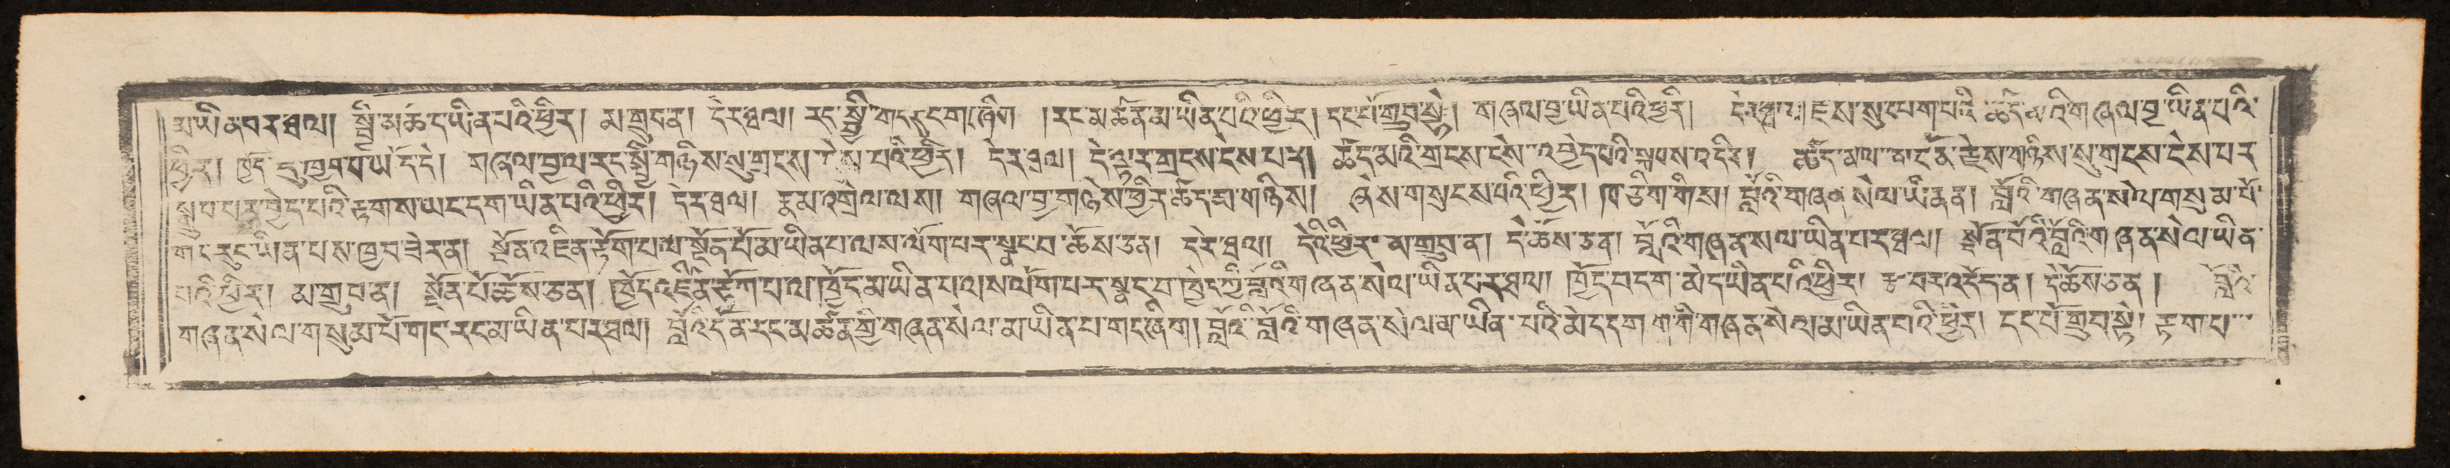མ་ཡིན་པར་ཐལ། སྤྱི་མཚན་ཡིན་པའི་ཕྱིར། མ་གྲུབ་ན། དེར་ཐལ། རང་སྤྱི་གང་རུང་གང་ཞིག །རང་མཚན་མ་ཡིན་པའི་ཕྱིར། དང་པོ་གྲུབ་སྟེ། གཞལ་བྱ་ཡིན་པའི་ཕྱིར། དེར་ཐལ། རྗེས་སུ་དཔག་པའི་ཚད་མའི་གཞལ་བྱ་ཡིན་པའི་
ཕྱིར། གོང་དུ་ཁྱབ་པ་ཡོད་དེ། གཞལ་བྱ་ལ་རང་སྤྱི་གཉིས་སུ་གྲངས་ངེས་པའི་ཕྱིར། དེར་ཐལ། དེ་ལྟར་གྲངས་ངེས་པ་དེ། ཚད་མའི་གྲངས་ངེས་འབྱེད་པའི་སྐབས་འདིར། ཚད་མ་ལ་མངོན་རྗེས་གཉིས་སུ་གྲངས་ངེས་པར་
སྒྲུབ་པར་བྱེད་པའི་རྟགས་ཡང་དག་ཡིན་པའི་ཕྱིར། དེར་ཐལ། རྣམ་འགྲེལ་ལས། གཞལ་བྱ་གཉིས་ཕྱིར་ཚད་མ་གཉིས། །ཞེས་གསུངས་པའི་ཕྱིར། ཁ་ཅིག་གིས། བློའི་གཞན་སེལ་ཡིན་ན། བློའི་གཞན་སེལ་གསུམ་པོ་
གང་རུང་ཡིན་པས་ཁྱབ་ཟེར་ན། སྔོན་འཛིན་རྟོག་པ་ལ་སྔོན་པོ་མ་ཡིན་པ་ལས་ལོག་པར་སྣང་བ་ཆོས་ཅན། དེར་ཐལ། དེའི་ཕྱིར། མ་གྲུབ་ན། དེ་ཆོས་ཅན། བློའི་གཞན་སེལ་ཡིན་པར་ཐལ། སྔོན་པོའི་བློའི་གཞན་སེལ་ཡིན་
པའི་ཕྱིར། མ་གྲུབ་ན། སྔོན་པོ་ཆོས་ཅན། ཁྱོད་འཛིན་རྟོག་པ་ལ་ཁྱོད་མ་ཡིན་པ་ལས་ལོག་པར་སྣང་བ་ཁྱོད་ཀྱི་བློའི་གཞན་སེལ་ཡིན་པར་ཐལ། ཁྱོད་བདག་མེད་ཡིན་པའི་ཕྱིར། རྩ་བར་འདོད་ན། དེ་ཆོས་ཅན། བློའི་
གཞན་སེལ་གསུམ་པོ་གང་རུང་མ་ཡིན་པར་ཐལ། བློའི་དོན་རང་མཚན་གྱི་གཞན་སེལ་མ་ཡིན་པ་གང་ཞིག །བློའི་བློའི་གཞན་སེལ་མ་ཡིན། བློའི་མེད་དགག་གི་གཞན་སེལ་མ་ཡིན་པའི་ཕྱིར། དང་པོ་གྲུབ་སྟེ། རྟག་པ་ཡིན་